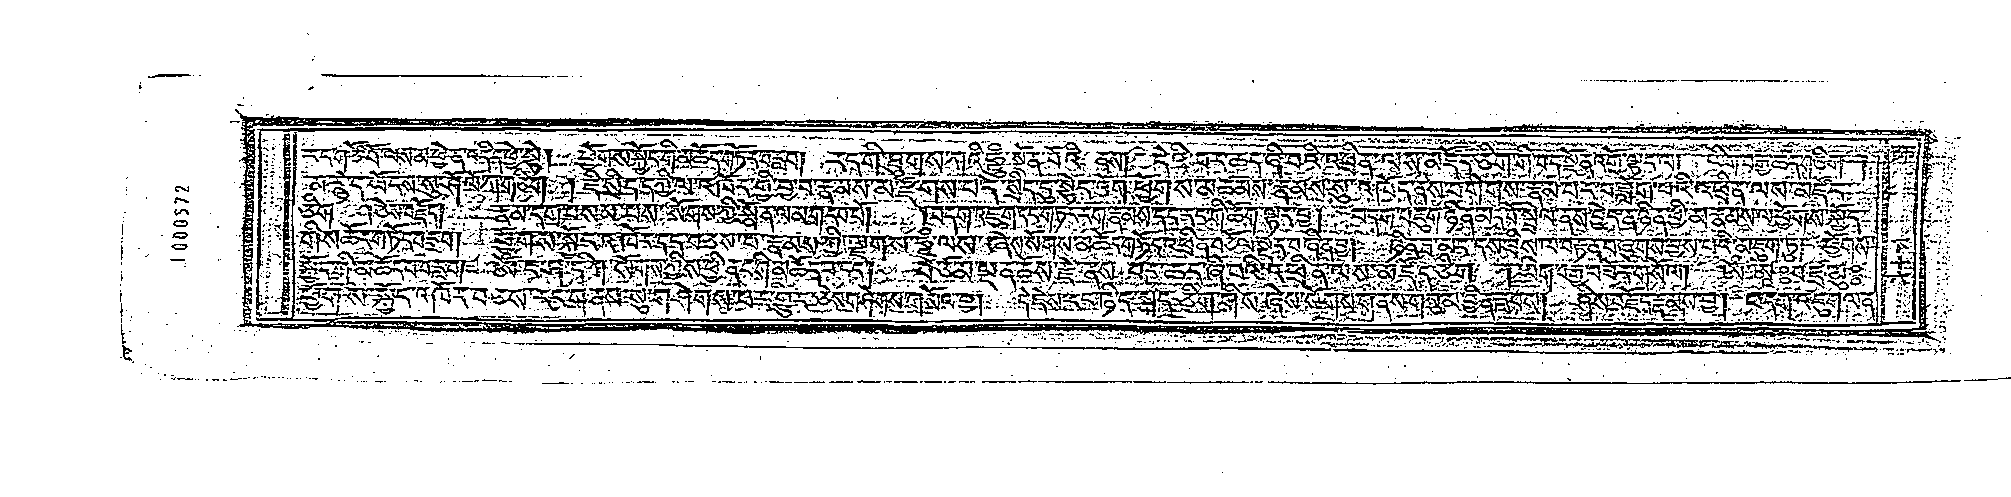རང་གཙོ་བོ་ལས་མ་ཕྱེ་ན་འདིར་ཕྱེ་སྟེ། ཕྱོགས་སྐྱོང་གི་མཆོད་གཏོར་བརླབ། རང་གི་ཐུགས་ཀའི་ཧཱུཾ་སྔོན་པོའི་ནས། དེའི་བར་ཆད་ཞི་བའི་འཕྲིན་ལས་མཛོད་ཅིག་གི་བར་སྔོན་འགྲོ་ལྟར་ལ། ཡིག་བརྒྱ་ཚར་གཅིག་
མ་རྙེད་ཡོངས་སུ་ཤོ་ལོ་ཀ་གཅིག །ཇི་སྲིད་དཀྱིལ་འཁོར་གྱི་བྱ་བ་རྣམས་མ་རྫོགས་པ་དེ་སྲིད་དུ་སྟེང་འོག་ཕྱོགས་མཚམས་རྣམས་སུ་འཁོར་ནས་བགེགས་རྣམ་པར་བཟློག་པའི་འཕྲིན་ལས་མཛོད་
ཅིག །ཅེས་བརྗོད། རྣམ་དག་བསམ་པས་སོགས་ཀྱི་སྨོན་ལམ་གདབ་པོ། །བདག་འཇུག་དང་གཏང་རག་རྣམས་དང་རང་གི་ཆོ་ག་ལྟར་བྱ། བདག་བྗུག་ཉིན་མང་བོ་སྦྲེལ་ནས་བྱེད་ན་ཉིན་ཕྱི་མ་རྣམས་ལ་ཕྱོགས་སྐྱོང་
གིས་ཆོད་གཏོར་བརླབ། ཕྱོགས་སྐྱོང་འཁོར་དང་བཅས་པ་རྣམས་ཀྱི་ལྗགས་ཧཱུཾ་ལས་ཞེས་སོགས་མཆོད་གཏོར་འཕྲིན་བཅོལ་སྔར་བཞིན་བྱ། ཉིན་ཐ་མར་དས་བྲིས་ལ་བརྟན་བཞུགས་བྱས་པའི་མཇུག་ཏུ། ཕྱོགས་
སྐྱོང་གི་མཆོད་པ་བརླབ། ཨོཾ་ད་ཤ་དི་ཀ་སོགས་ཀྱིས་ཕྱི་ནང་གི་མཆོད་པ་དང་། བཅོམ་ལྡན་ཆོས་རྗེ་ནས་བར་ཆད་ཞི་བའི་འཕྲིན་ལས་མཛོད་ཅིག །ཡིག་བརྒྱ་བཟོད་གསོལ། ཨོཾ་ཨཱཿ་བཛྲ་མུཿ
ཕྱོགས་སྐྱོང་འཁོར་བཅས་དང་གནས་སུ་གཤེགས་པར་གྱུར་ཅེས་གཤེགས་གསོལ་བྱ། དེ་རྗེས་རང་ཉིད་སྐད་ཅིག་གིས་ཞེས་སོགས་གནས་གསུམ་བྱིན་རླབས། ཤིས་བརྗོད་རྣམས་བྱ། བདག་འཇུག་ལན་